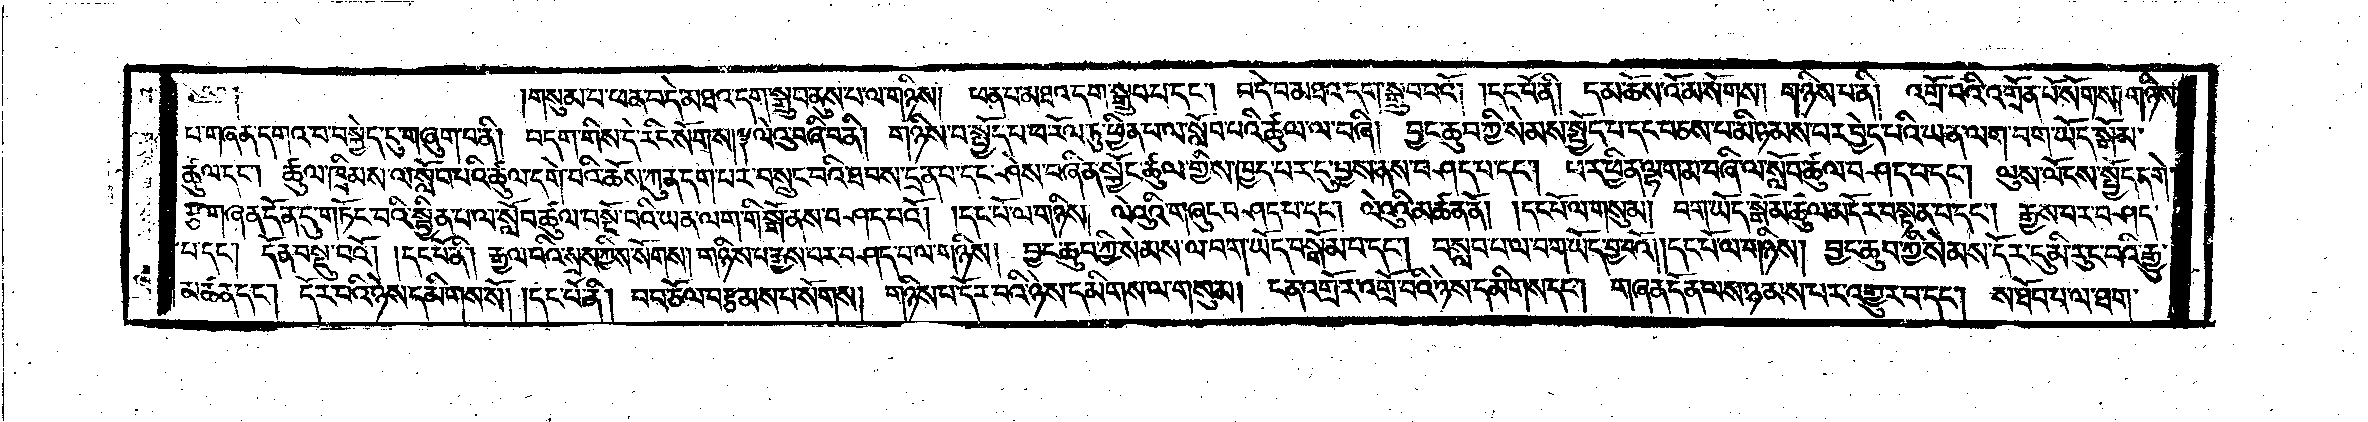༄༅། །གསུམ་པ་ཕན་བདེ་མཐའ་དག་སྒྲུབ་ནུས་པ་ལ་གཉིས། ཕན་པ་མཐའ་དག་སྒྲུབ་པ་དང་། བདེ་བ་མཐའ་དག་སྒྲུབ་པའོ། །དང་པོ་ནི། དམ་ཆོས་འོ་མ་སོགས། གཉིས་པ་ནི། འགྲོ་བའི་འགྲོན་པོ་སོགས། གཉིས་
པ་གཞན་དགའ་བ་བསྐྱེད་དུ་གཞུག་པ་ནི། བདག་གིས་དེ་རིང་སོགས། ༈ ལེའུ་བཞི་པ་ནི། གཉིས་པ་སྤྱོད་པ་ཕ་རོལ་ཏུ་ཕྱིན་པ་ལ་སློབ་པའི་ཚུལ་ལ་བཞི། བྱང་ཆུབ་ཀྱི་སེམས་སྤྱོད་པ་དང་བཅས་པ་མི་ཉམས་པར་བྱེད་པའི་ཡན་ལག་བག་ཡོད་སྒོམ་
ཚུལ་དང་། ཚུལ་ཁྲིམས་ལ་སློབ་པའི་ཚུལ་དགེ་བའི་ཆོས་ཀུན་དག་པར་བསྲུང་བའི་ཐབས་དྲན་པ་དང་ཤེས་བཞིན་སྐྱོང་ཚུལ་གྱིས་ཁྱད་པར་དུ་བྱས་ནས་བཤད་པ་དང་། ཕར་ཕྱིན་ལྷག་མ་བཞི་ལ་སློབ་ཚུལ་བཤད་པ་དང་། ལུས་ལོངས་སྤྱོད་དགེ་
རྩ་གཞན་དོན་དུ་གཏོང་བའི་སྦྱིན་པ་ལ་སློབ་ཚུལ་བསྔོ་བའི་ཡན་ལག་གི་སྒོ་ནས་བཤད་པའོ། །དང་པོ་ལ་གཉིས། ལེའུའི་གཞུང་བཤད་པ་དང་། ལེའུའི་མཚན་ནོ། །དང་པོ་ལ་གསུམ། བག་ཡོད་སྒོམ་ཚུལ་མདོར་བསྟན་པ་དང་། རྒྱས་བར་བཤད་
པ་དང་། དོན་བསྡུ་བའོ། །དང་པོ་ནི། རྒྱལ་བའི་སྲས་ཀྱིས་སོགས། གཉིས་པ་རྒྱས་པར་བཤད་པ་ལ་གཉིས། བྱང་ཆུབ་ཀྱི་སེམས་ལ་བག་ཡོད་བསྒོམ་པ་དང་། བསླབ་པ་ལ་བག་ཡོད་བྱ་བའོ། །དང་པོ་ལ་གཉིས། བྱང་ཆུབ་ཀྱི་སེམས་དོར་དུ་མི་རུང་བའི་རྒྱུ་
མཚན་དང་། དོར་བའི་ཉེས་དམིགས་སོ། །དང་པོ་ནི། བབ་ཅོལ་བརྩམས་པ་སོགས། གཉིས་པ་དོར་བའི་ཉེས་དམིགས་ལ་གསུམ། ངན་འགྲོར་འགྲོ་བའི་ཉེས་དམིགས་དང་། གཞན་དོན་ལས་ཉམས་པར་འགྱུར་བ་དང་། ས་ཐོབ་པ་ལ་ཐག་